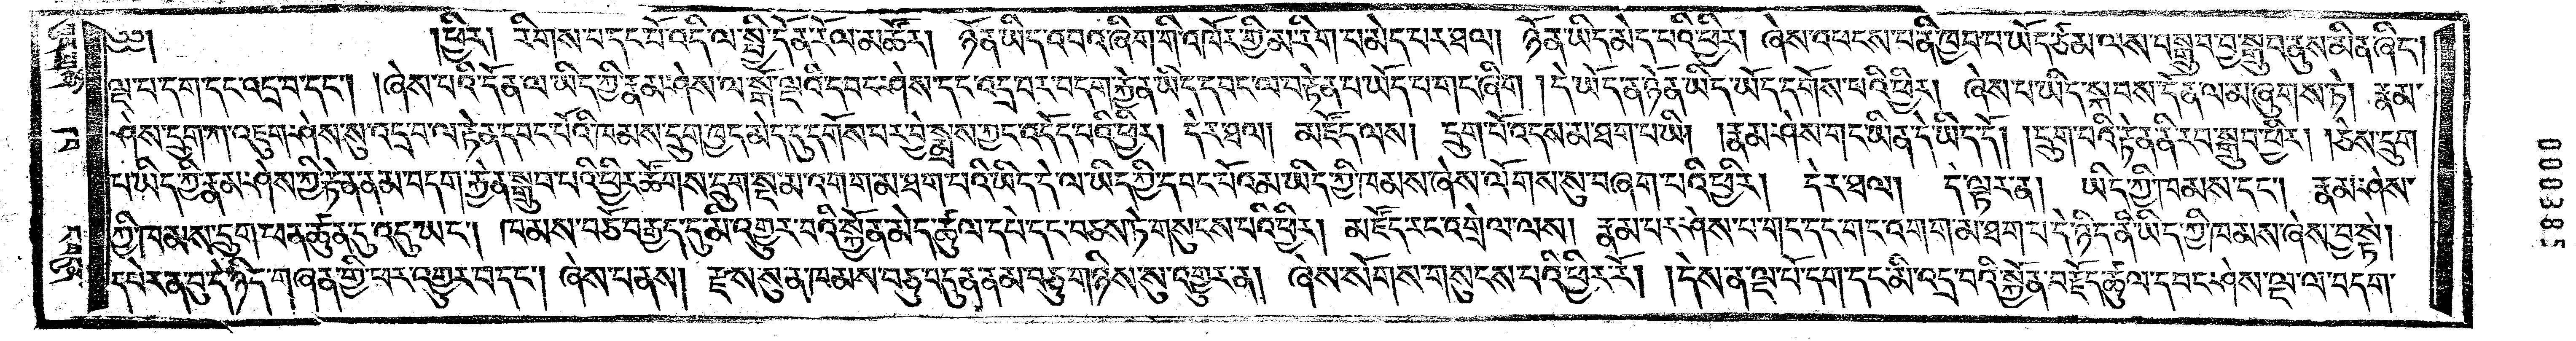༄༅། །ཕྱིར། རིགས་པ་དང་པོ་འདི་ལ་སྤྱི་དོན་རོལ་མཚོར། ཉོན་ཡིད་འབའ་ཞིག་གི་འཁོར་གྱི་མ་རིག་པ་མེད་པར་ཐལ། ཉོན་ཡིད་མེད་པའི་ཕྱིར། ཞེས་འཕངས་པ་ནི་ཁྱབ་པ་ཡོད་ཙམ་ལས་བསྒྲུབ་བྱ་སྒྲུབ་ནུས་མིན་ཞིང་།
ལྔ་པ་དག་དང་འདྲ་བ་དང་། །ཞེས་པའི་དོན་ལ་ཡིད་ཀྱི་རྣམ་ཤེས་ལ་སྒོ་ལྔའི་དབང་ཤེས་དང་འདྲ་བར་བདག་རྐྱེན་ཡིད་དབང་ལ་བརྟེན་པ་ཡོད་པ་གང་ཞིག །དེ་ཡོད་ན་ཉོན་ཡིང་ཡོད་དགོས་བའི་ཕྱིར། ཞེས་པ་ཡིད་སྐབས་དོན་ལ་མ་ཞུགས་ཏེ། རྣམ་
ཤེས་དྲུག་ཀ་འཇུག་ཤེས་སུ་འདྲ་བ་ལ་རྟེན་དབང་པོའི་ཁམས་དྲུག་ཁྱད་མེད་དུ་དགོས་པར་བྱེ་སྨྲས་ཀྱང་འདོད་པའི་ཕྱིར། དེར་ཐལ། མཛོད་ལས། དྲུག་པོ་འདས་མ་ཐག་པ་ཡི། །རྣམ་ཤེས་གང་ཡིན་དེ་ཡིད་དོ། །དྲུག་བའི་རྟེན་ནི་རབ་སྒྲུབ་ཕྱིར། །ཅེས་དྲུག་
པ་ཡིད་ཀྱི་རྣམ་ཤེས་ཀྱི་རྟེན་ནམ་བདག་རྐྱེན་སྒྲུབ་པའི་ཕྱིར་ཚོགས་དྲུག་སྔ་མ་འགག་མ་ཐག་པའི་ཡིད་དེ་ལ་ཡིད་ཀྱི་དབང་པོའམ་ཡིད་ཀྱི་ཁམས་ཞེས་ལོགས་སུ་བཞག་པའི་ཕྱིར། དེར་ཐལ། དེ་ལྟར་ན། ཡིད་ཀྱི་ཁམས་དང་། རྣམ་ཤེས་
ཀྱི་ཁམས་དྲུག་ཕན་ཚུན་དུ་འདུ་ཡང་། ཁམས་བཅོ་བརྒྱད་དུ་མི་འགྱུར་བའི་སྐྱོན་མེད་ཚུལ་དཔེ་དང་བཅས་ཏེ་གསུངས་པའི་ཕྱིར། མཛོད་རང་འགྲེལ་ལས། རྣམ་པར་ཤེས་པ་གང་དང་གང་འགག་མ་ཐག་པ་དེ་ཉིད་ནི་ཡིད་ཀྱི་ཁམས་ཞེས་བྱ་སྟེ།
དཔེར་ན་བུ་དེ་ཉིད་གཞན་གྱི་ཕར་འགྱུར་བ་དང་། ཞེས་པ་ནས། རྫས་སུ་ན་ཁམས་བཅུ་བདུན་ནམ་བཅུ་གཉིས་སུ་འགྱུར་ན། ཞེས་སོགས་གསུངས་པའི་ཕྱིར་རོ། །དེས་ན་ལྔ་པོ་དག་དང་མི་འདྲ་བའི་སྐྱོན་བརྗོད་ཚུལ་དབང་ཤེས་ལྔ་ལ་བདག་